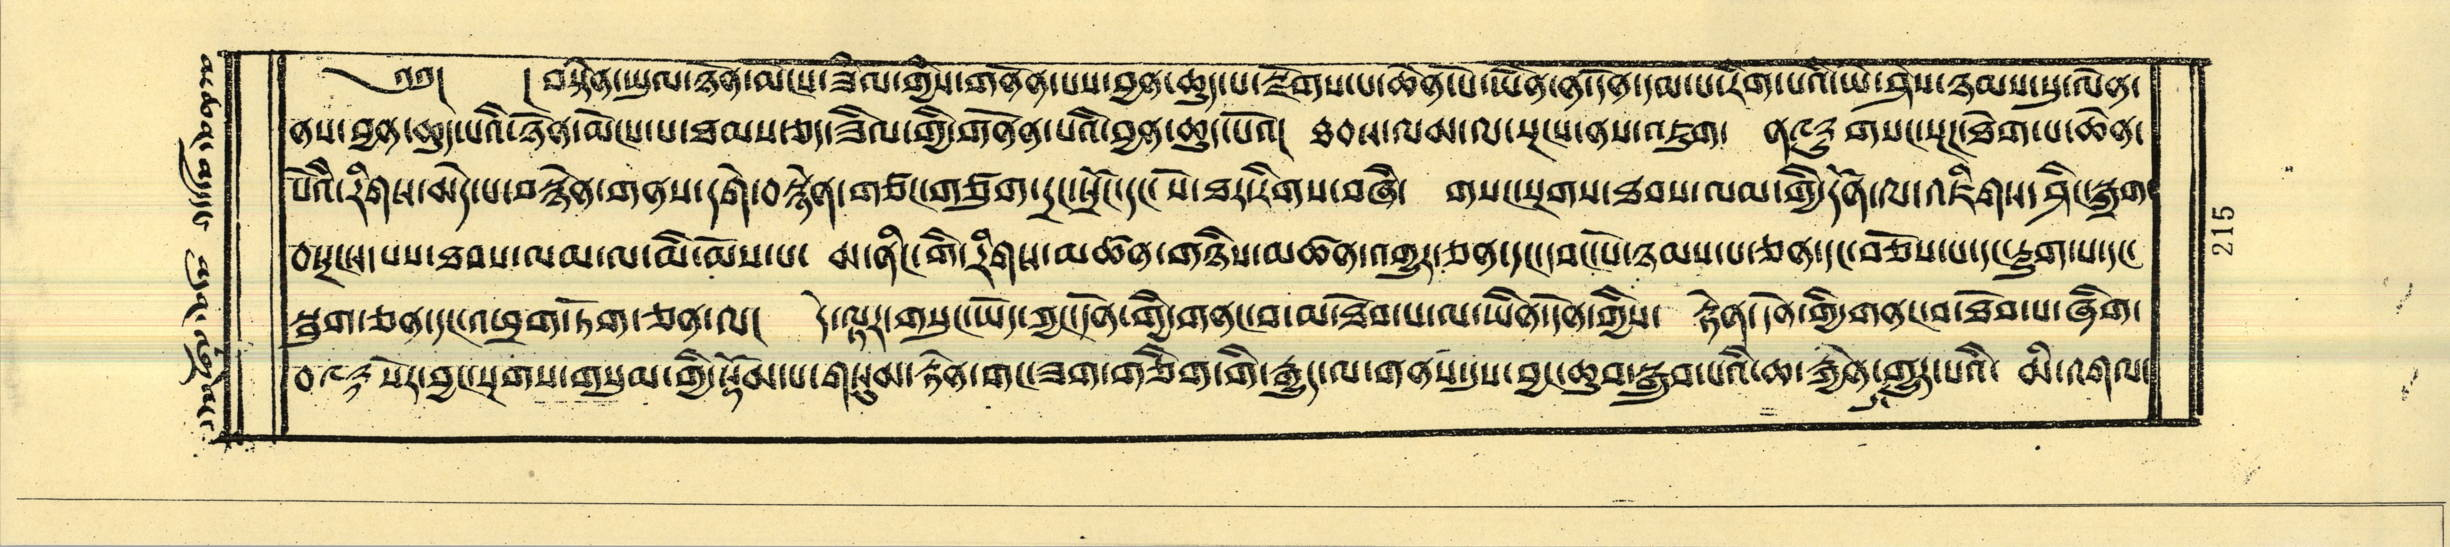བསྟེན་ཡུལ་ཉོན་མོངས་ཟིལ་གྱིས་གནོན་པས་བྱན་ཆུད་པ་སྫོགས་པ་ཆེན་པོ་ཡིན་ན་དོམ་དམ་པ་རིག་པའི་ཡེ་ཤེས་ཉམས་སུ་ལེན་
ནས་བྱན་ཆུད་པའི་ཉོན་མོངས་པ་ཐམས་ཅད་ཟིལ་གྱི་གནོན་པའི་བྱན་ཆུད་པའོ། ༼ཐབས་ལམ་ལ་༽སྔངས་ནས་འཇུག ན༩༢།༦ གསང་སྔགས་ཐེག་པ་ཆེན་
པོའི་ ༼རིགས་མེད་པ་༽བསྙེན་གནས་ ༼དགེ་བསྙེན་༽གཙང་གཙུག་ ༼དྲང་སྲོང་དང་༽སོ་ཐར་རིགས་བཞི། གསང་སྔགས་ཐབས་ལམ་གྱི་ ༼དོན་ལ་འཇིགས་༽ཤིང་སྐྲག་
བསྔངས་པས་ཐབས་ལམ་ལ་མི་མོས་པ། ༼མ་ནིང་༽གི་ ༼རིགས་༽མཚན་གཉིས་མཚན་འགྱུར་ཅན་དང་དབང་པོ་ཉམས་པ་ཅན་དང་བཅོས་པ་དང་རླུག་པ་དང་
སྦུག་ཅན་དང་འཕྲག་ཏོག་ཅན་ལ། དེ་ལྟར་གསུང་ཡོད་ཀྱང་དོན་གྱི་གནང་བ་མ་ཐོབ་པ་ལ་ཡིན་དོན་གྱིས། རྟེན་དོན་གྱི་གནང་བ་ཐོབ་པ་ཞིག 
བ༩༢།༡ སོར་བྱང་སྔགས་གསུམ་གྱི་ ༼སྡོམ་༽པ་ ༼གསུམ་༽རྟེན་གང་ཟག་གཅིག་གི་རྒྱུད་ལ་གནས་དུས་བྱང་ཆུབ་སྒྲུབ་པའི་ཆ་རྐྱེན་དུ་གྱུར་པའི། ༼མི་འགལ་༽